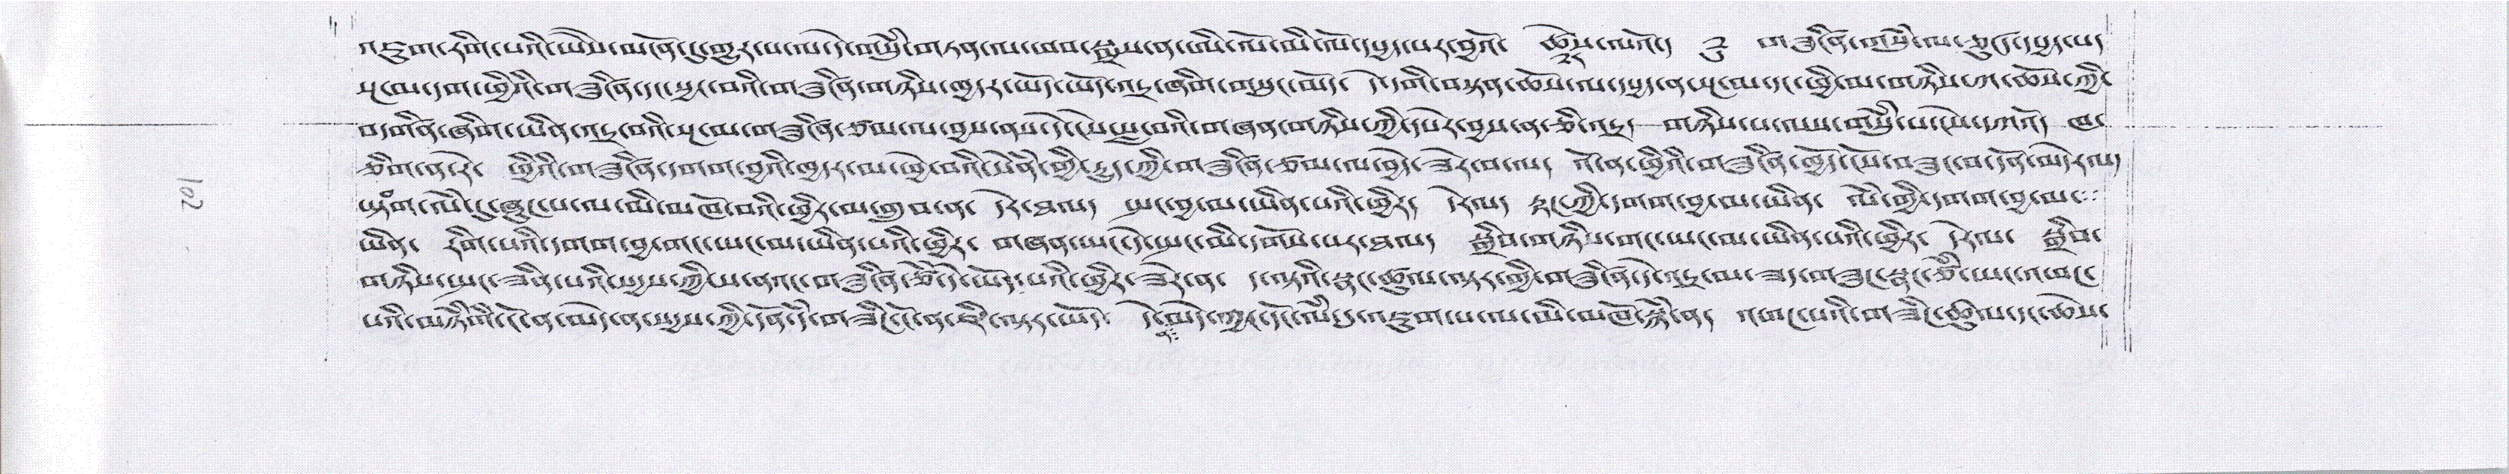འཇུག་རིག་པའི་ཡེ་ཤེས་མངོན་དུ་གྱུར་པ་ལ་དེ་གསུམ་གཏན་ལ་ཕབ་སྨྲས་ན་ཨི་ལོ་མི་ལོ་དཔྱད་པར་བྱའོ། ཚེས་༢༨ལའོ། ༧ གཟུང་འཛིན་གསུམ་ལ་ཅུང་ཟད་དཔྱད་པ། 
སྔ་མ་དག་ཕྱི་ཡི་གཟུང་འཛིན་དང་གསང་བའི་གཟུང་འཛིན་གཉིས་ཁྱད་པར་ཡོད་ཡོད་འདྲ་ཞིག་གསུངས་མོད། དེ་དག་གི་བསྟན་ཆོས་ལ་དཔྱད་ན་སྔ་མ་དང་ཕྱི་མ་གཉིས་ཀ་ཆོས་ཀྱི་
བདག་འཛིན་ཞིག་ཡིན་འདྲ་བའི་སྔ་མ་གཟུང་འཛིན་ཙམ་ལ་བྱས་ནས་དེ་ངེས་སླ་བའི་གཞན་གཉིས་ཀྱི་དཔེར་བྱས་ན་ཅི་འདྲ། གཉིས་པ་ལས་གསུམ་པ་ངེས་དཀའོ། ཁ་
ཅིག་ན་རེ། ཕྱི་ཡི་གཟུང་འཛིན་དགག་བྱའི་ཁྱད་པར་མ་ཕྱེ་བའི་སེམས་ཅན་གྱི་རྒྱུད་ཀྱི་གཟུང་འཛིན་ཙམ་ལ་བྱེད་ཟེར་བ་ལ། འོ་ན་ཕྱི་ཡི་གཟུང་འཛིན་ཁྱོད་ངོས་བཟུང་བ་དོན་མེད་པར་ཐལ། 
ཡང་དག་ལམ་དུ་ཞུགས་པ་མི་མཁོ་བའི་ཕྱིར། མ་གྲུབ་ན་དེར་ཐལ། སྤང་བྱ་མ་ཡིན་པའི་ཕྱིར། དེར་ཐལ། རྟགས་ཀྱི་དགག་བྱ་མ་ཡིན། ལམ་གྱི་དགག་བྱ་མ་
ཡིན། རིག་པའི་དགག་བྱ་གང་ཡང་མ་ཡིན་པའི་ཕྱིར། གཞན་ཡང་དེ་སྤང་མི་དགོས་པར་ཐལ། སྒྲིབ་གཉིས་གང་ཡང་མ་ཡིན་པའི་ཕྱིར། དེར་ཐལ། སྒྲིབ་
གཉིས་སྤང་ཟིན་པའི་སངས་རྒྱས་ཀྱི་ས་ནའང་གཟུང་འཛིན་ཙམ་དེ་ཡོད་པའི་ཕྱིར་ཟེར་ན། ད་ལྟའི་སྣང་ཚུལ་ལྟར་གྱི་གཟུང་འཛིན་ཙམ་དེ་འདྲ་མ་ཟད་གཟུགས་སྣང་ཙམ་ཡང་འཕགས་
པའི་མཉམ་གཞག་གི་ངོ་ན་མེད་ན་སངས་རྒྱས་ཀྱི་དོན་དམ་གཟིགས་ངོ་ན་ཇི་ལྟར་ཡོད། དེ་ན་མེད་ཀྱང་དང་པོ་ལམ་དུ་འཇུག་པ་ལ་མི་མཁོ་སྙམ་ན། འཕགས་པའི་གཟིགས་ཚུལ་དང་ཆེས་